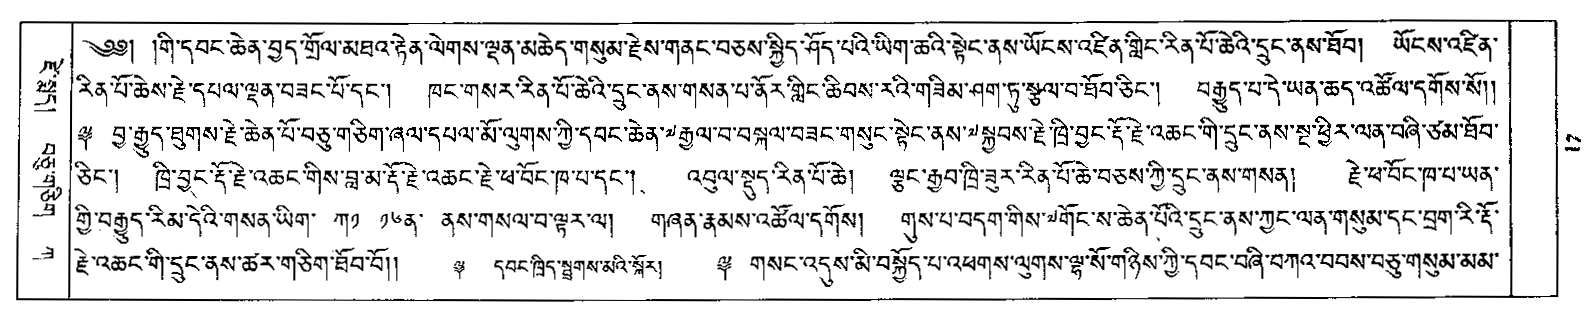༄༅། །གི་དབང་ཆེན་བྱད་གྲོལ་མཐའ་རྟེན་ལེགས་ལྡན་མཆེད་གསུམ་རྗེས་གནང་བཅས་སྐྱིད་ཤོད་པའི་ཡིག་ཆའི་སྟེང་ནས་ཡོངས་འཛིན་གླིང་རིན་པོ་ཆེའི་དྲུང་ནས་ཐོབ། ཡོངས་འཛིན་
རིན་པོ་ཆེས་རྗེ་དཔལ་ལྡན་བཟང་པོ་དང་། ཁང་གསར་རིན་པོ་ཆེའི་དྲུང་ནས་གསན་པ་ནོར་གླིང་ཆིབས་རའི་གཟིམ་ཤག་ཏུ་སྩལ་བ་ཐོབ་ཅིང་། བརྒྱུད་པ་དེ་ཡན་ཆད་འཚོལ་དགོས་སོ། །
༈ བྱ་རྒྱུད་ཐུགས་རྗེ་ཆེན་པོ་བཅུ་གཅིག་ཞལ་དཔལ་མོ་ལུགས་ཀྱི་དབང་ཆེན་༧་རྒྱལ་བ་བསྐལ་བཟང་གསུང་སྟེང་ནས་༧་སྐྱབས་རྗེ་ཁྲི་བྱང་རྡོ་རྗེ་འཆང་གི་དྲུང་ནས་སྔ་ཕྱིར་ལན་བཞི་ཙམ་ཐོབ་
ཅིང་། ཁྲི་བྱང་རྡོ་རྗེ་འཆང་གིས་བླ་མ་རྡོ་རྗེ་འཆང་རྗེ་ཕ་བོང་ཁ་པ་དང་། འབུལ་སྡུད་རིན་པོ་ཆེ། ལྕང་རྒྱབ་ཁྲི་ཟུར་རིན་པོ་ཆེ་བཅས་ཀྱི་དྲུང་ནས་གསན། རྗེ་ཕ་བོང་ཁ་པ་ཡན་
གྱི་བརྒྱུད་རིམ་དེའི་གསན་ཡིག་ཀ ༡ ༡༦་ན་ནས་གསལ་བ་ལྟར་ལ། གཞན་རྣམས་འཚོལ་དགོས། གུས་པ་བདག་གིས་༧་གོང་ས་ཆེན་པོའི་དྲུང་ནས་ཀྱང་ལན་གསུམ་དང་བྲག་རི་རྡོ་
རྗེ་འཆང་གི་དྲུང་ནས་ཚར་གཅིག་ཐོབ་བོ།། ༈ དབང་ཁྲིད་སྦྲགས་མའི་སྐོར། ༈ གསང་འདུས་མི་བསྐྱོད་པ་འཕགས་ལུགས་ལྷ་སོ་གཉིས་ཀྱི་དབང་བཞི་བཀའ་བབས་བཅུ་གསུམ་མམ་